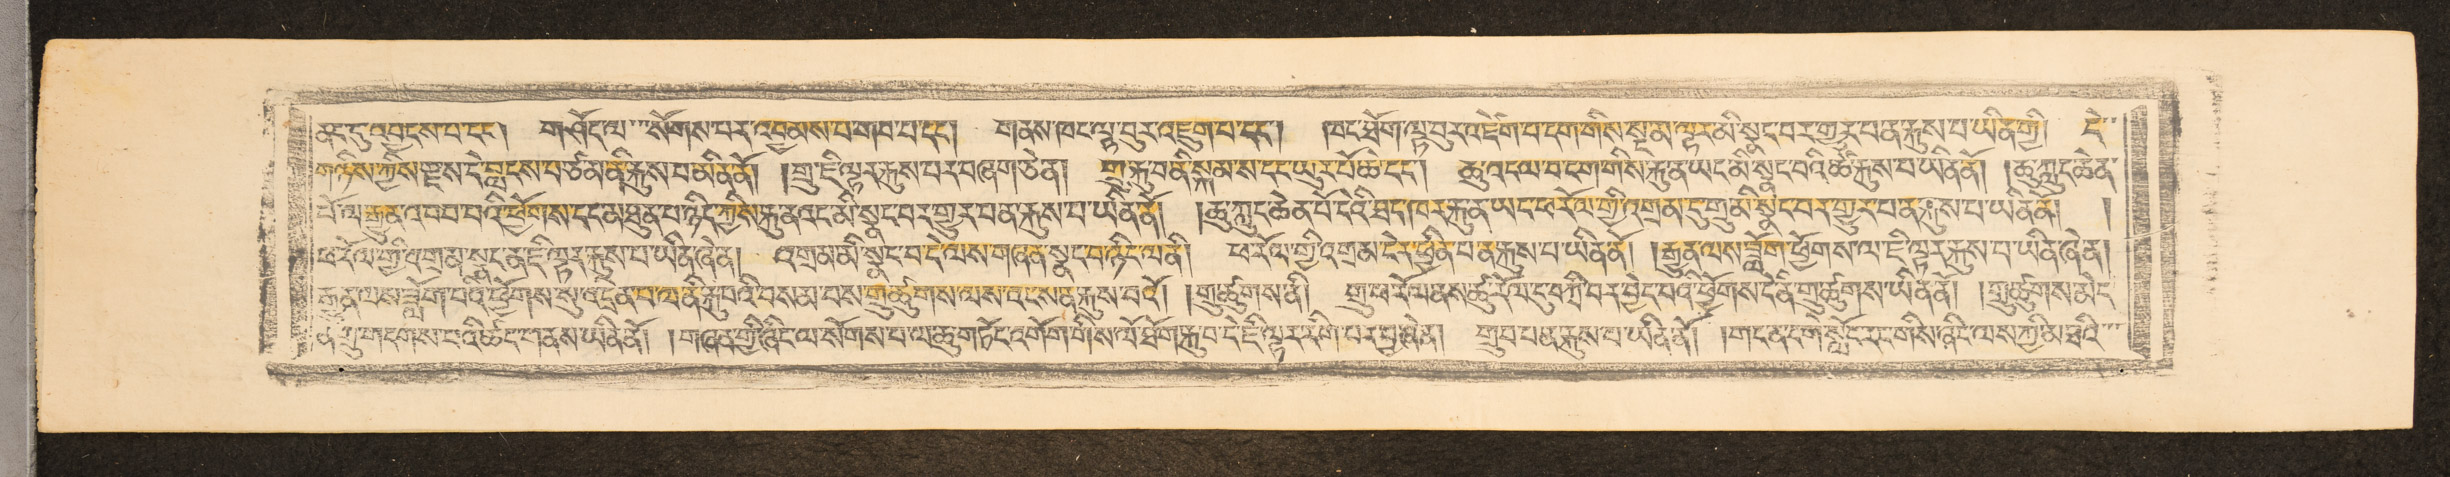ནང་དུ་འབྱངས་པ་དང་། གཤོང་ལ་སོགས་པར་འབྱམས་པ་གབ་པ་དང་། གནས་ཁང་ལྟ་བུར་འཇུག་པ་དང་། ཁང་ཐོག་ལྟ་བུར་འཛེག་པ་དག་གིས་སྔ་མ་ལྟར་མི་སྣང་བར་གྱུར་པ་ན་རྐུས་པ་ཡིན་གྱི། དེ་
གཉིས་ཀྱིས་རྫས་དེ་བླངས་པ་ཙམ་ནི་རྐུས་པ་མིན་ནོ། །གྲུ་ཇི་ལྟར་རྐུས་པར་བཞག་ཅེ་ན། གྲུ་རྐུ་བ་ནི་སྐམ་ས་དང་ཡུར་པོ་ཆེ་དང་། ཆུ་འདལ་བ་དག་གིས་རྐུན་ཡང་མི་སྣང་བའི་ཚེ་རྐུས་པ་ཡིན་ནོ། །ཆུ་ཀླུང་ཆེན་
པོ་ལ་རྒྱུན་འབབ་པའི་ཕྱོགས་དང་མཐུན་པ་ཉིད་ཀྱིས་རྐུ་ནའང་མི་སྣང་བར་གྱུར་པ་ན་རྐུས་པ་ཡིན་ནོ། །ཆུ་ཀླུང་ཆེན་པོ་དེའི་ཐད་ཁར་རྐུ་ན་ཡང་ཕ་རོལ་གྱི་འགྲམ་དུ་གྲུ་མི་སྣང་བར་གྱུར་པ་ན་རྐུས་པ་ཡིན་ནོ། །
ཕ་རོལ་གྱི་འགྲམ་སྣང་ན་ཇི་ལྟར་རྐུས་པ་ཡིན་ཞེ་ན། འགྲམ་མི་སྣང་བ་དེ་ལས་གཞན་སྣང་བ་ཉིད་ལ་ནི། ཕ་རོལ་གྱི་འགྲམ་དེར་ཕྱིན་པ་ན་རྐུས་པ་ཡིན་ནོ། །རྒྱུན་ལས་ཟློག་ཕྱོགས་ལ་ཇི་ལྟར་རྐུས་པ་ཡིན་ཞེ་ན།
རྒྱུན་ལས་ཟློག་པའི་ཕྱོགས་སུ་འདྲེན་པ་ལ་ནི་རྐུ་བའི་བསམ་པས་གྲུ་ཚུགས་ལས་འདས་ན་རྐུས་པའོ། །གྲུ་ཚུགས་ནི། གྲུ་ཕ་རོལ་ནས་ཚུ་རོལ་དུ་བཀྲི་བར་བྱེད་པའི་ཕྱོགས་དེ་ནི་གྲུ་ཚུགས་ཡིན་ནོ། །གྲུ་ཚུགས་མེད་
ན་གྲུ་གདགས་པའི་ཚད་གནས་ཡིན་ནོ། །གཞན་གྱི་ཞིང་ལ་སོགས་པ་ལ་ཆུ་གཏོང་འགོག་གིས་ལོ་ཐོག་རྐུ་བ་དེ་ཇི་ལྟར་རིག་པར་བྱ་ཞེ་ན། གྲུབ་པ་ན་རྐུས་པ་ཡིན་ནོ། །གང་ན་དགེ་སློང་རང་གིས་ཞིང་ལས་ཀྱི་མཐའ་